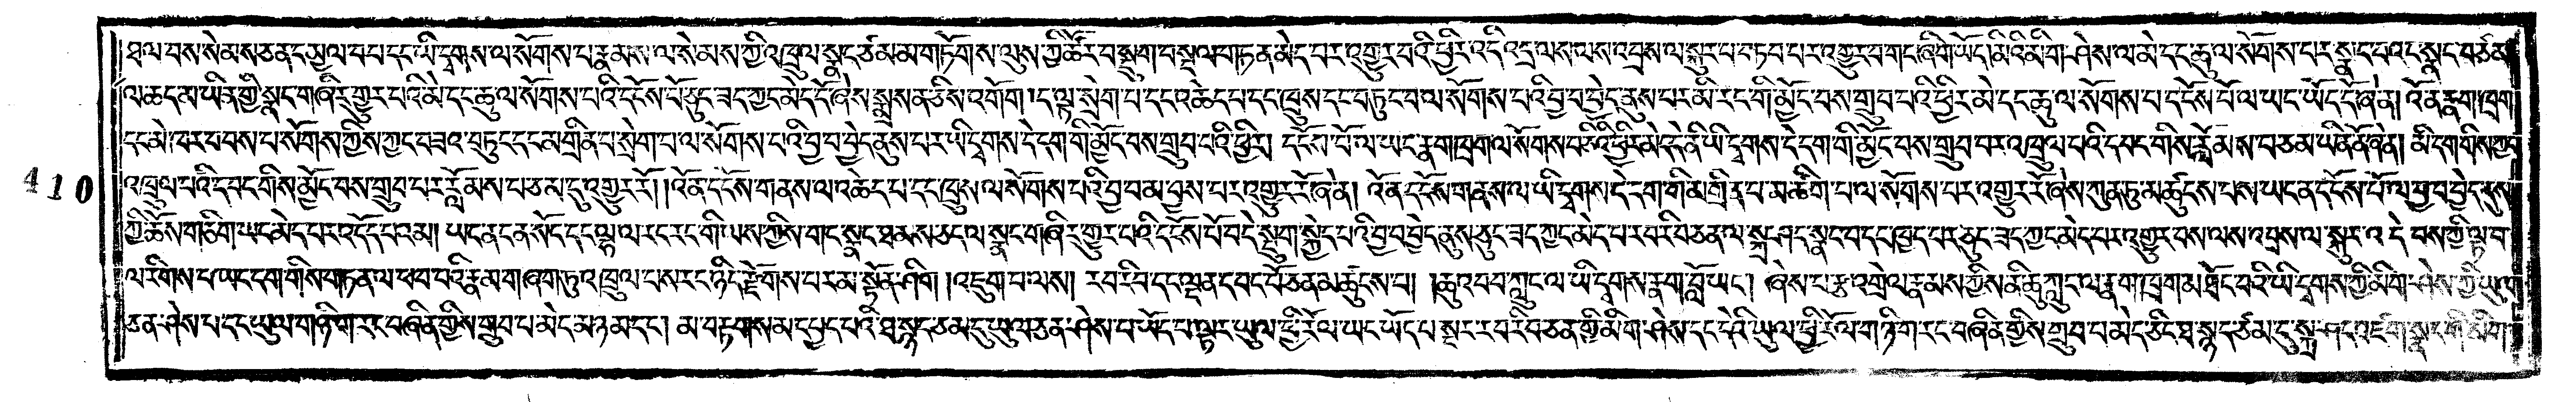ཐལ་བས་སེམས་ཅན་དམྱལ་བ་པ་དང་ཡི་དྭགས་ལ་སོགས་པ་རྣམས་ལ་སེམས་ཀྱི་འཁྲུལ་སྣང་ཙམ་མ་གཏོགས་ལུས་ཀྱི་ཚོར་བ་སྡུག་བསྔལ་གཏན་མེད་པར་འགྱུར་བའི་ཕྱིར་འདི་འདྲ་ལས་ལས་འབྲས་ལ་སྐུར་པ་བཏབ་པར་འགྱུར་བ་གང་ཞིག་ཡོད། མིའི་མིག་ཤེས་ལ་མེ་དང་ཆུ་ལ་སོགས་པར་སྣང་བའང་སྣང་བ་ཙམ་
ལ་ཆད་མ་ཡིན་གྱི་སྣང་གཞིར་གྱུར་པའི་མེ་དང་ཆུ་ལ་སོགས་པའི་དངོས་པོ་ཅུང་ཟད་ཀྱང་མེད་དོ་ཞེས་སྨྲས་ན་ཅིས་འགོག། ད་ལྟ་སྲེག་པ་དང་འཆེད་པ་དང་ཁྲུས་དང་བཏུང་བ་ལ་སོགས་པའི་བྱ་བ་བྱེད་ནུས་པར་མི་རང་གི་མྱོང་བས་གྲུབ་པའི་ཕྱིར་མེ་དང་ཆུ་ལ་སོགས་པ་དངོས་པོ་ལ་ཡང་ཡོད་དོ་ཞེ་ན། འོ་ན་རྣག་ཁྲག་
དང་མེ་ཁར་བབས་པ་སོགས་ཀྱིས་ཀྱང་བཟའ་བཏུང་དང་མགྲིན་པ་སྲེག་པ་ལ་སོགས་པའི་བྱ་བ་བྱེད་ནུས་པར་ཡི་དྭགས་དེ་དག་གི་མྱོང་བས་གྲུབ་པའི་ཕྱིར། དངོས་པོ་ལ་ཡང་རྣག་ཁྲག་ལ་སོགས་པ་ཅིའི་ཕྱིར་མེད་དེ་ནི་ཡི་དྭགས་དེ་དག་གི་མྱོང་བས་གྲུབ་བར་འཁྲུལ་པའི་དབང་གིས་རློམས་བ་ཙམ་ཡིན་ནོ་ཞེ་ན། མི་དག་གིས་ཀྱང་
འཁྲུལ་པའི་དབང་གིས་མྱོང་བས་གྲུབ་པར་རློམས་པ་ཙམ་དུ་འགྱུར་རོ། །འོ་ན་དངོས་གནས་ལ་འཆེད་པ་དང་ཁྲུས་ལ་སོགས་པའི་བྱ་བ་མ་བྱས་པར་འགྱུར་རོ་ཞེ་ན། འོ་ན་དངོས་གནས་ལ་ཡི་དྭགས་དེ་དག་གི་མགྲིན་པ་མ་ཚིག་པ་ལ་སོགས་པར་འགྱུར་རོ་ཞེས་ཀུན་ཏུ་མཚུངས་པས་ཡང་ན་དངོས་པོ་ལ་བྱ་བ་བྱེད་ནུས་
ཀྱི་ཆོས་གཅིག་ཡང་མེད་པར་འདོད་པའམ། ཡང་ན་ངན་སོང་དང་ལྷ་ལ་རང་རང་གི་ལས་ཀྱིས་གང་སྣང་ཐམས་ཅད་ལ་སྣང་གཞིར་གྱུར་པའི་དངོས་པོ་བདེ་སྡུག་སྐྱེད་པའི་བྱ་བ་བྱེད་ནུས་ཅུང་ཟད་ཀྱང་མེད་པ་རབ་རིབ་ཅན་ལ་སྐྲ་ཤད་སྣང་བ་དང་ཁྱད་པར་ཅུང་ཟད་ཀྱང་མེད་པར་འགྱུར་བས་ལས་འབྲས་ལ་སྐུར་འདེབས་ཀྱི་ལྟ་བ་
ལ་རིགས་པ་ཡང་དག་གིས་གཏན་ལ་ཕབ་པའི་རྣམ་གཞག་ཏུ་འཁྲུལ་པས་རང་ཉིད་རྫོགས་པར་མ་སྟོན་ཤིག །འཇུག་པ་ལས། རབ་རིབ་དང་ལྡན་དབང་པོ་ཅན་མཚུངས་པ། །ཆུ་འབབ་ཀླུང་ལ་ཡི་དྭགས་རྣག་བློ་ཡང་། ཞེས་པ་རྩ་འགྲེལ་རྣམས་ཀྱིས་ནི་ཆུ་ཀླུང་ལ་རྣག་ཁྲག་མཐོང་བའི་ཡི་དྭགས་ཀྱི་མིག་ཤེས་ཀྱི་ཡུལ་
ཅན་ཤེས་པ་དང་ཡུལ་གཉི་ག་རང་བཞིན་གྱིས་གྲུབ་པ་མེད་མཉམ་དང་། མ་བརྟགས་མ་དཔྱད་པའི་ཐ་སྙད་ཙམ་དུ་ཡུལ་ཅན་ཤེས་པ་ཡོད་པ་ལྟར་ཡུལ་ཕྱི་རོལ་ཡང་ཡོད་པ་སྔར་རབ་རིབ་ཅན་གྱི་མིག་ཤེས་དང་དེའི་ཡུལ་ཕྱི་རོལ་གཉི་ག་རང་བཞིན་གྱིས་གྲུབ་པ་མེད་ཅིང་ཐ་སྙད་ཙམ་དུ་སྐྲ་ཤད་འཛག་སྣང་གི་མིག་